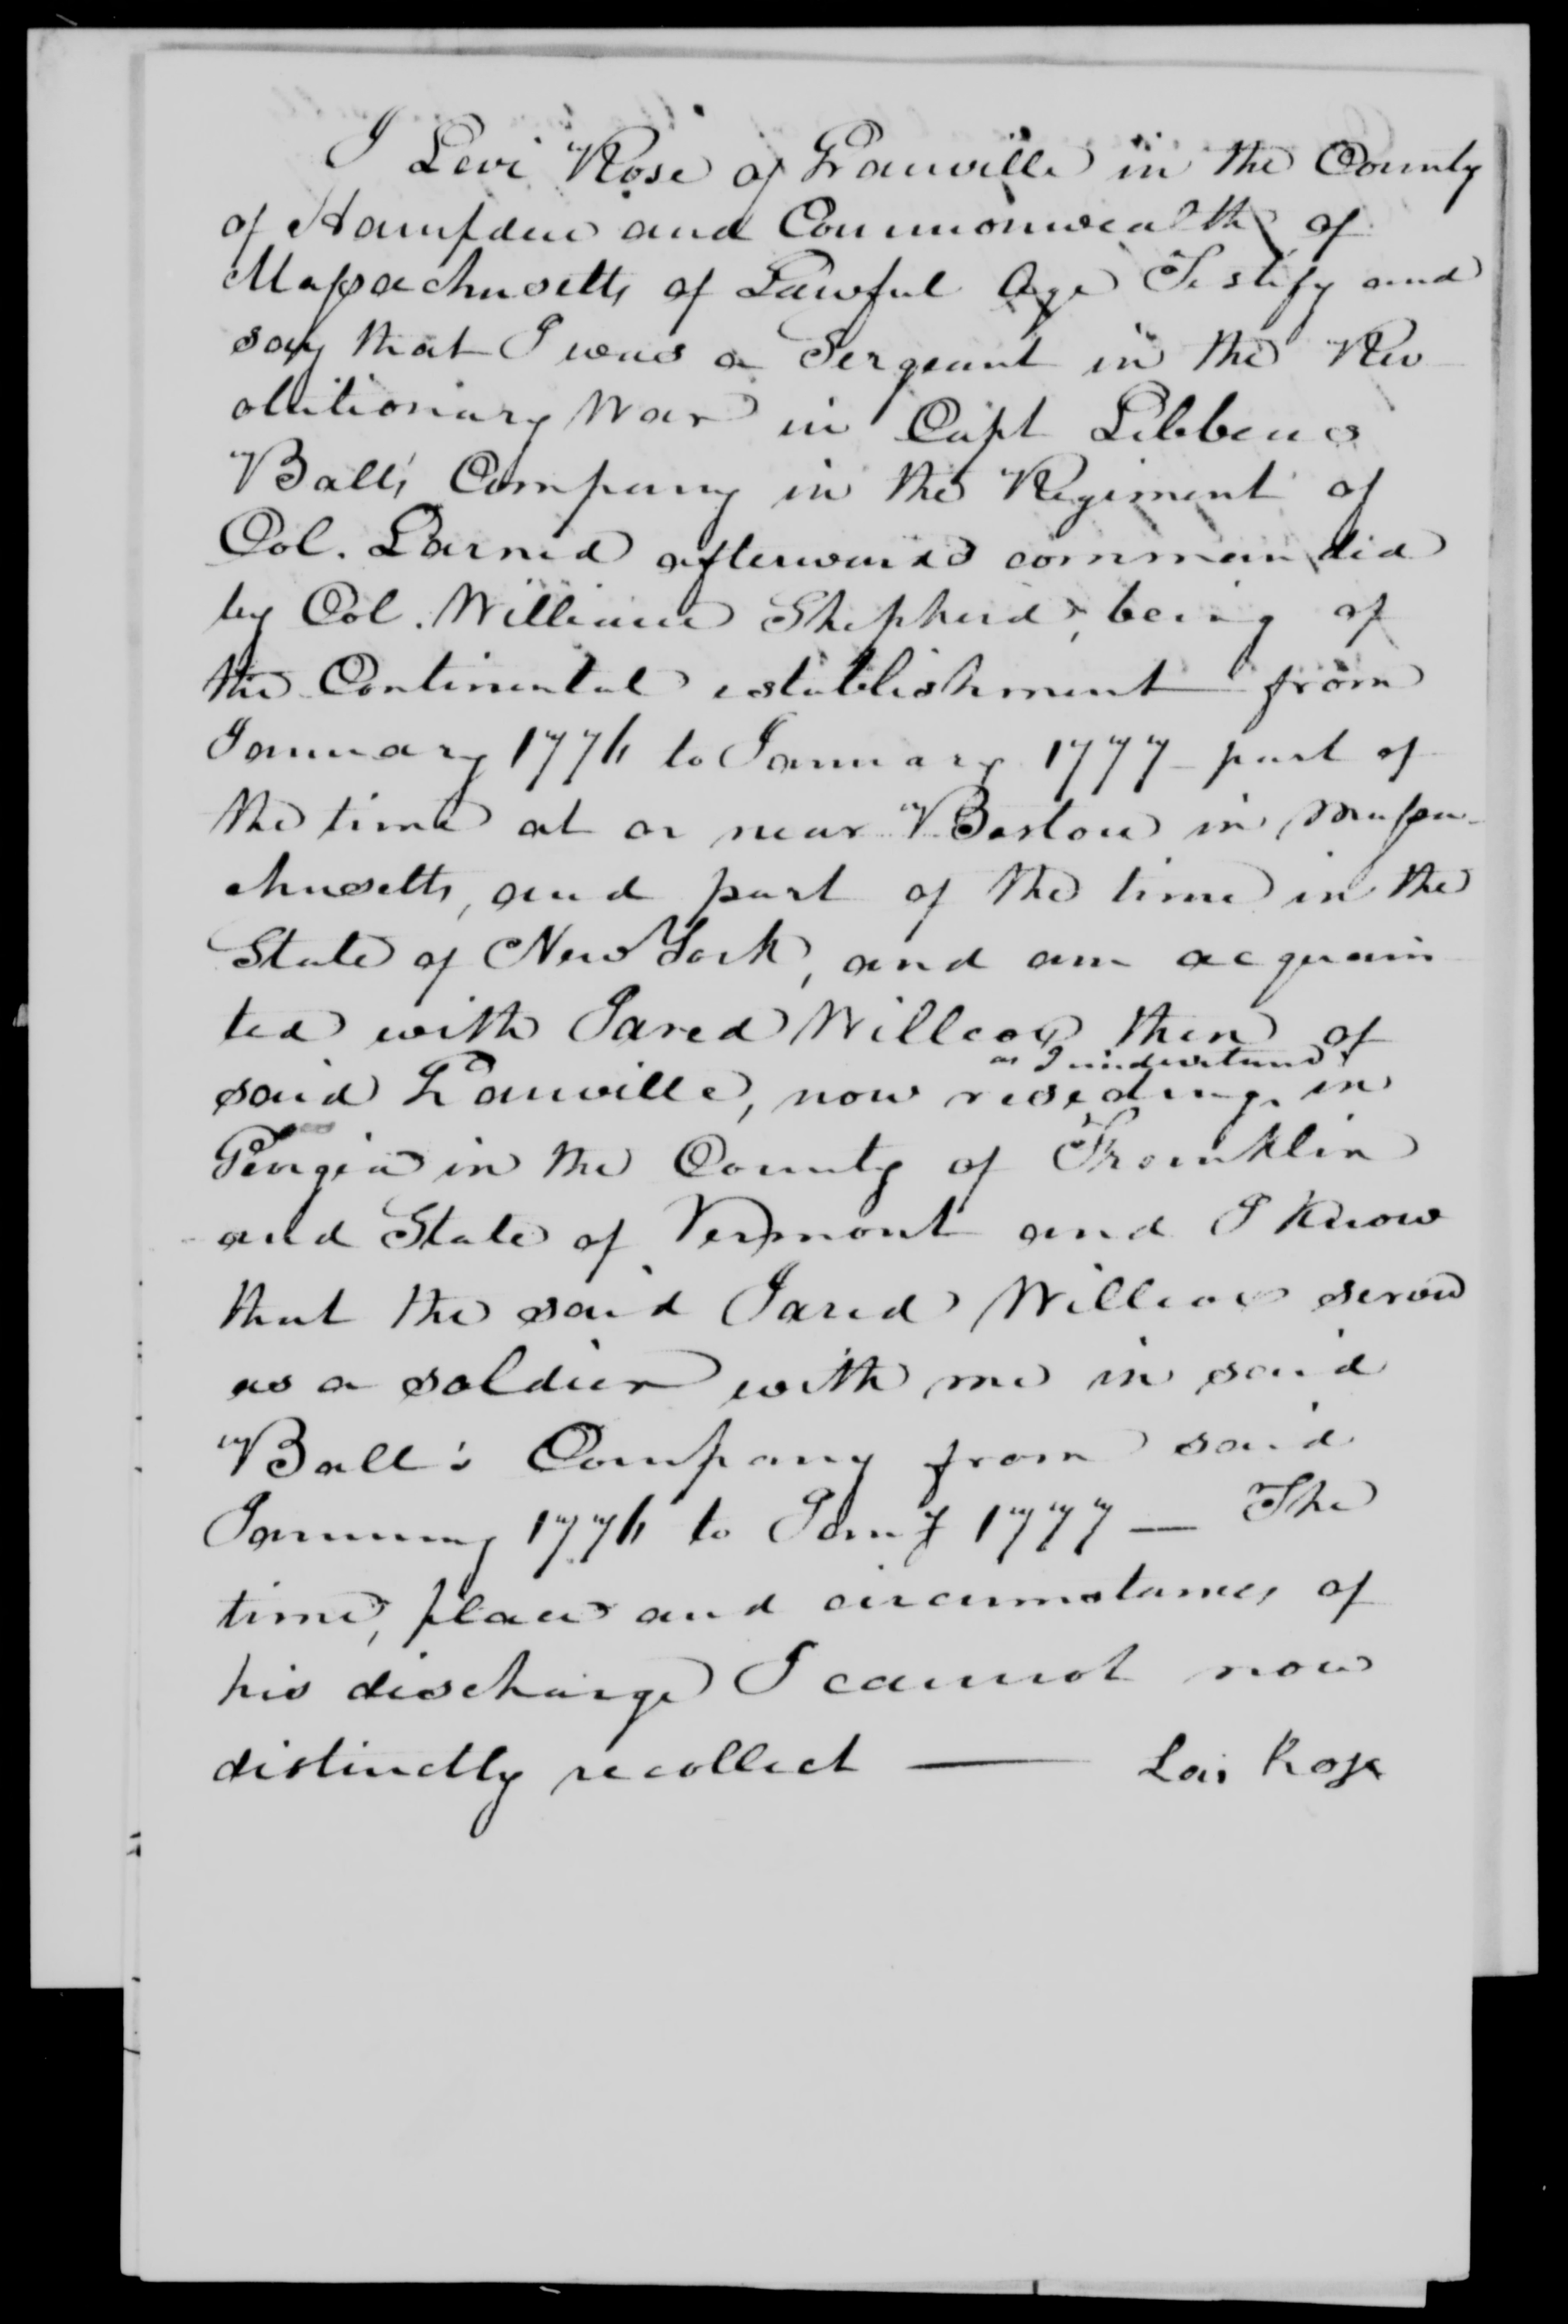I Levi Rose of Granville in the County 
of Hampden and Commonwealth of
Massachusetts of Lawfull Age Testify and
say that I was a Sergeant in the 
Revolutionary War in Capt. Lebbeus
Ball, Company in the Regiment of
Col. Larned afterward commanded
by Col. William Shepherd & being of
the Continental establishment from
January 1776 to January 1777 - part of
the time at or near Barlow in Massachusetts,
and part of the time in the
State of New York, and am acquainted
with Jared Willcox [Wilcox] then of
said (illegible), now residing [as I understand = inserted] in
Georgia in the County of Franklin
and State of Vermont and I know
that the said Jared Willcox [Wilcox] served
as a soldier with me in said
Ball's Company from said
January 1776 to Jany 1777 -- The
time, place and circumstances of
his discharge I cannot now
distinctly recollect --  Levi Rose (signature)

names: Jared Willcox, William Shepherd, Larned, Levi Rose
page: 26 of 34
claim: survivor's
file: S. 41337, Jared Wilcox, Continental Mass.